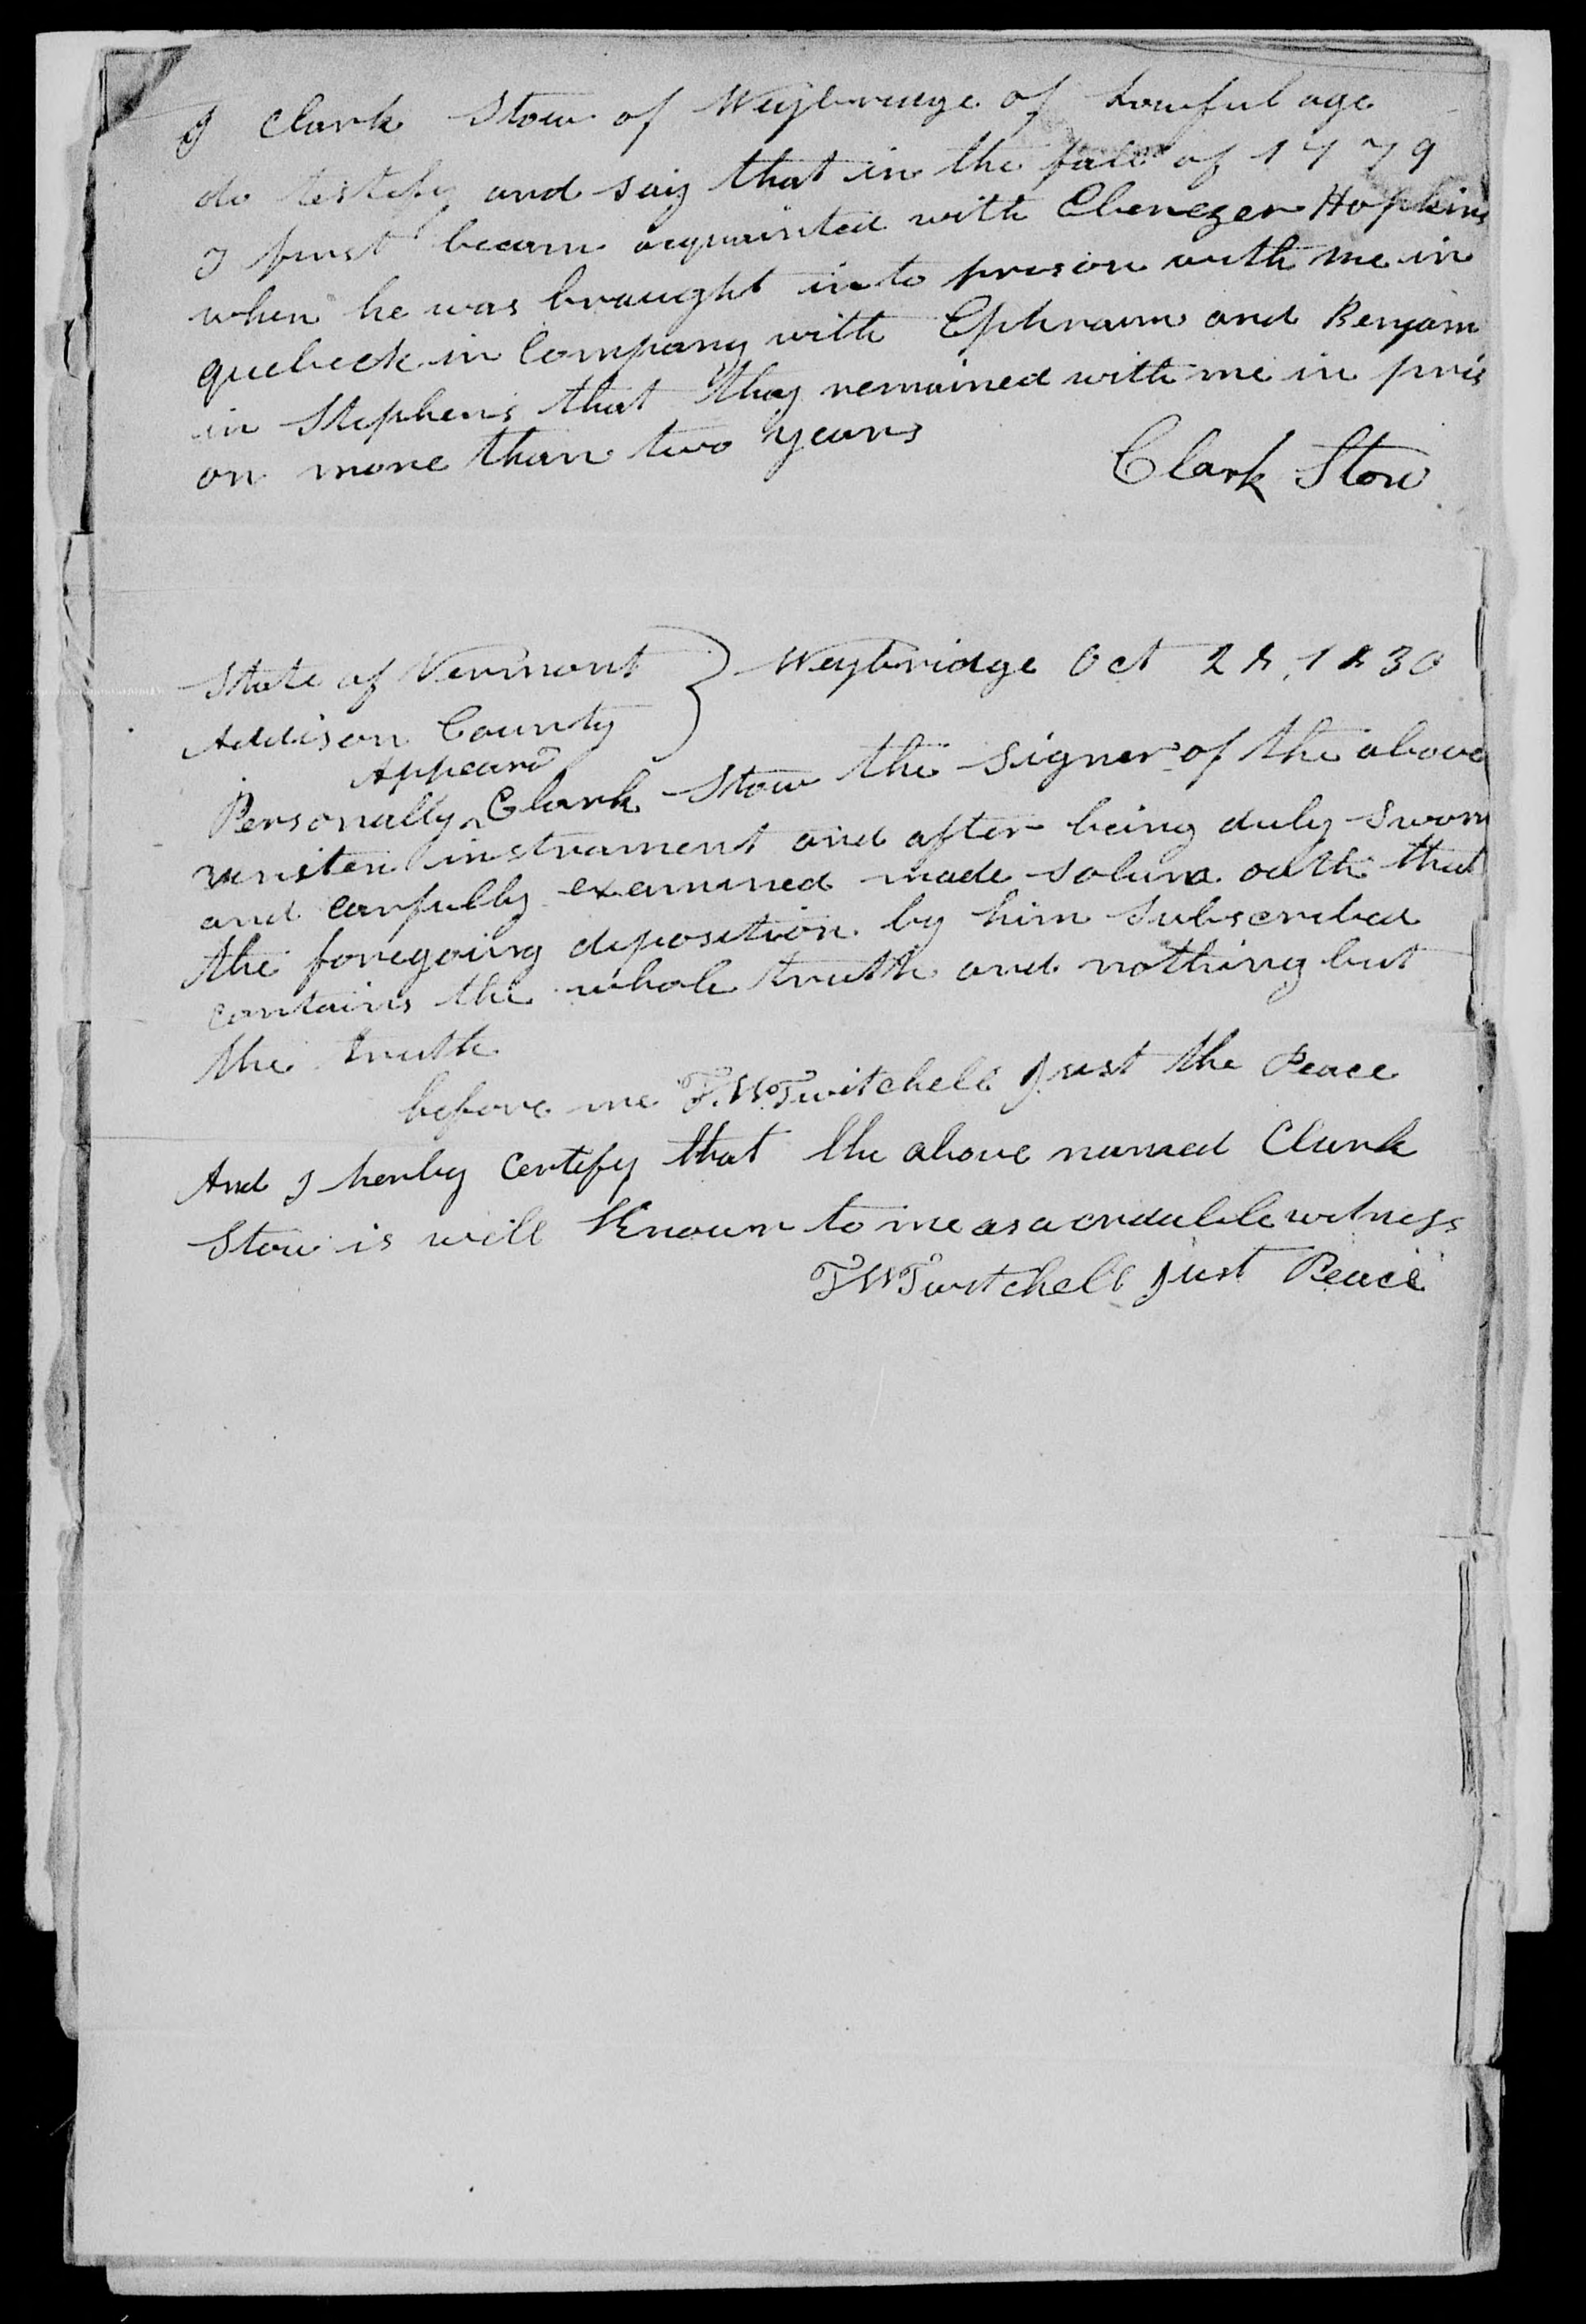I Clark Stow of Maybridge of Lawful age do testify and say that in the fall of 1779
first became acquainted with Ebenezer Hopkins when he was brought into prison with me in quebeck in company with Ephraim and Benjamin Stephens that they remained with me in prison more than two years
Clark Store


State of Vermont  Weybridge Oct 21. 1830
Addison County⎬

Personally Appeared Clark Stow the signer of the above writen instrument and after being duly sworn and carefully examined made solemn oath that the
foregoing deposition by him subscribed contains the whole truth and nothing but the truth
before me TW Twitchell Just the Peace
And I hereby certify that the above named Clark
Stowe is well known to me as a credible witness
TW Twitchell Just Peace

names: Ebenezer Hopkins, Ephraim, Benjamin, T W Twitchell, Clark Stowe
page: 110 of 144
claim: rejected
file: R. 5208, Dennis Hopkins, N.C.